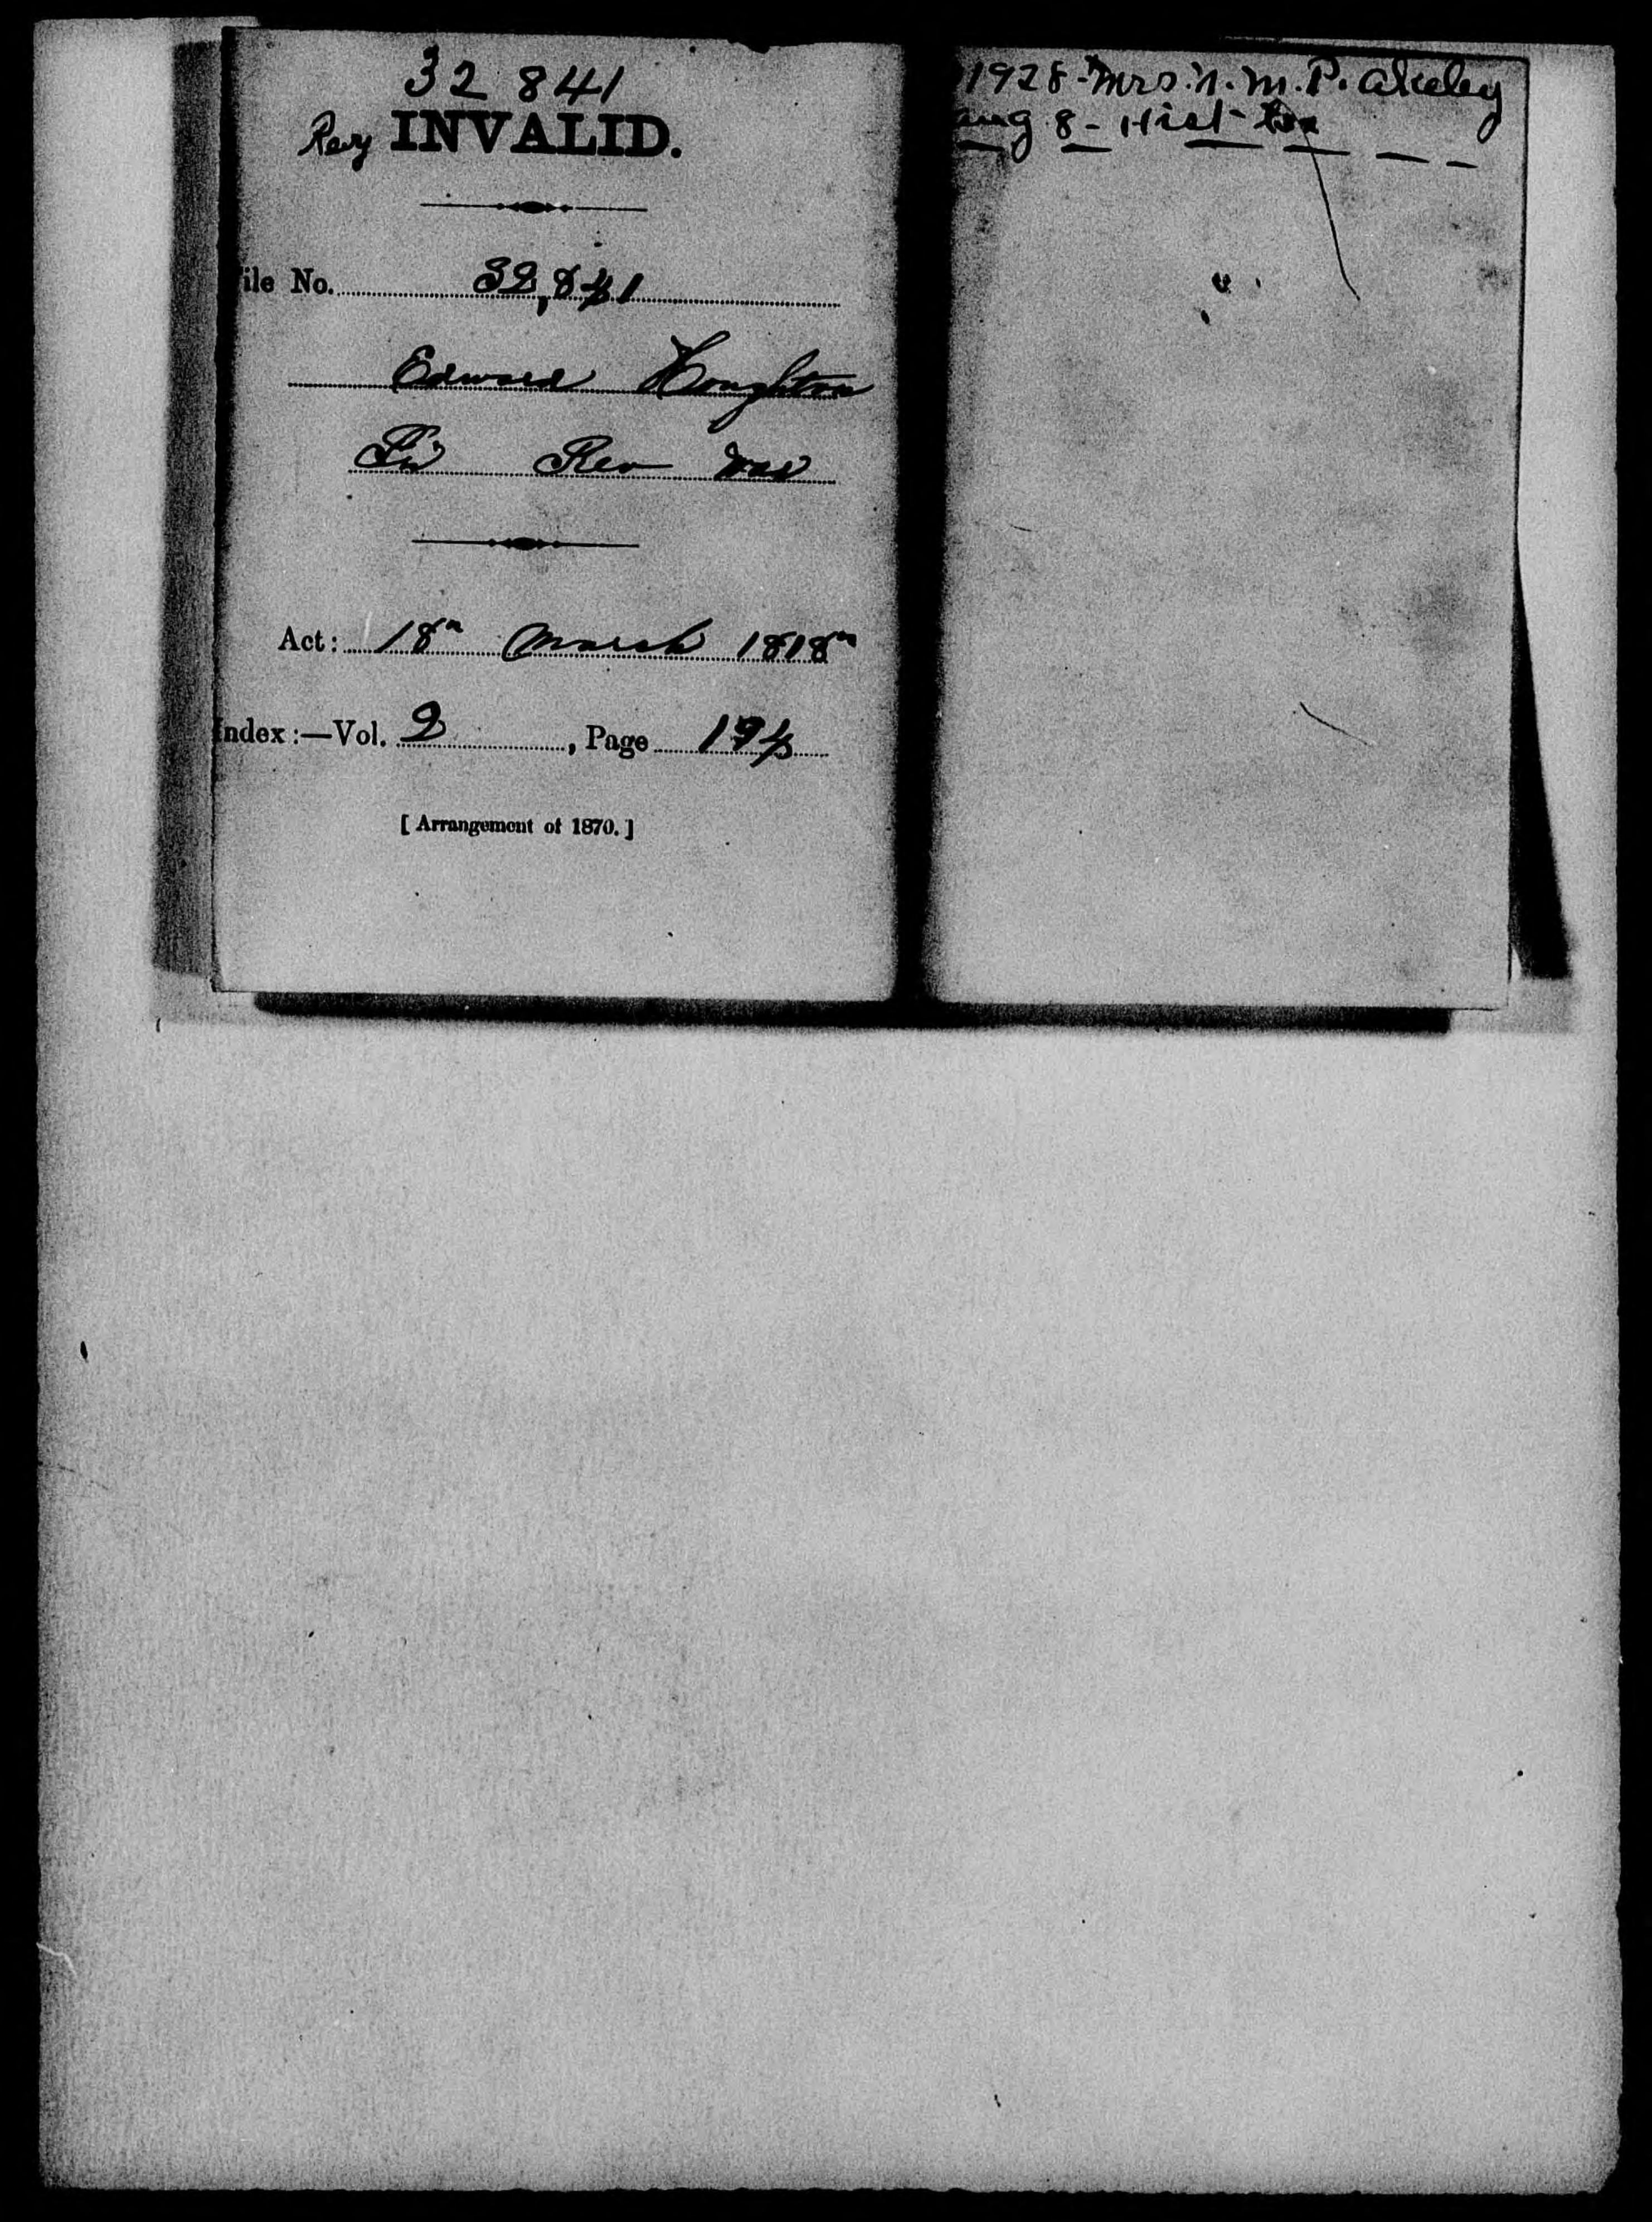32841
Reg INVALID.
File No. 32,841
Edward Houghton

[illegible] Rev War

Act: 18th March 1818th
Index: - Vol. 8, Page 194
[Arrangement of 1870.]

[second page, handwritten note] 
1928 - Mrs. N. M. P. Akeley
Aug 8 - Hist [illegible]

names: N M P Akeley, Edward Houghton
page: 10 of 10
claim: survivor's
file: S. 32,841, Edward Houghton, N.H.